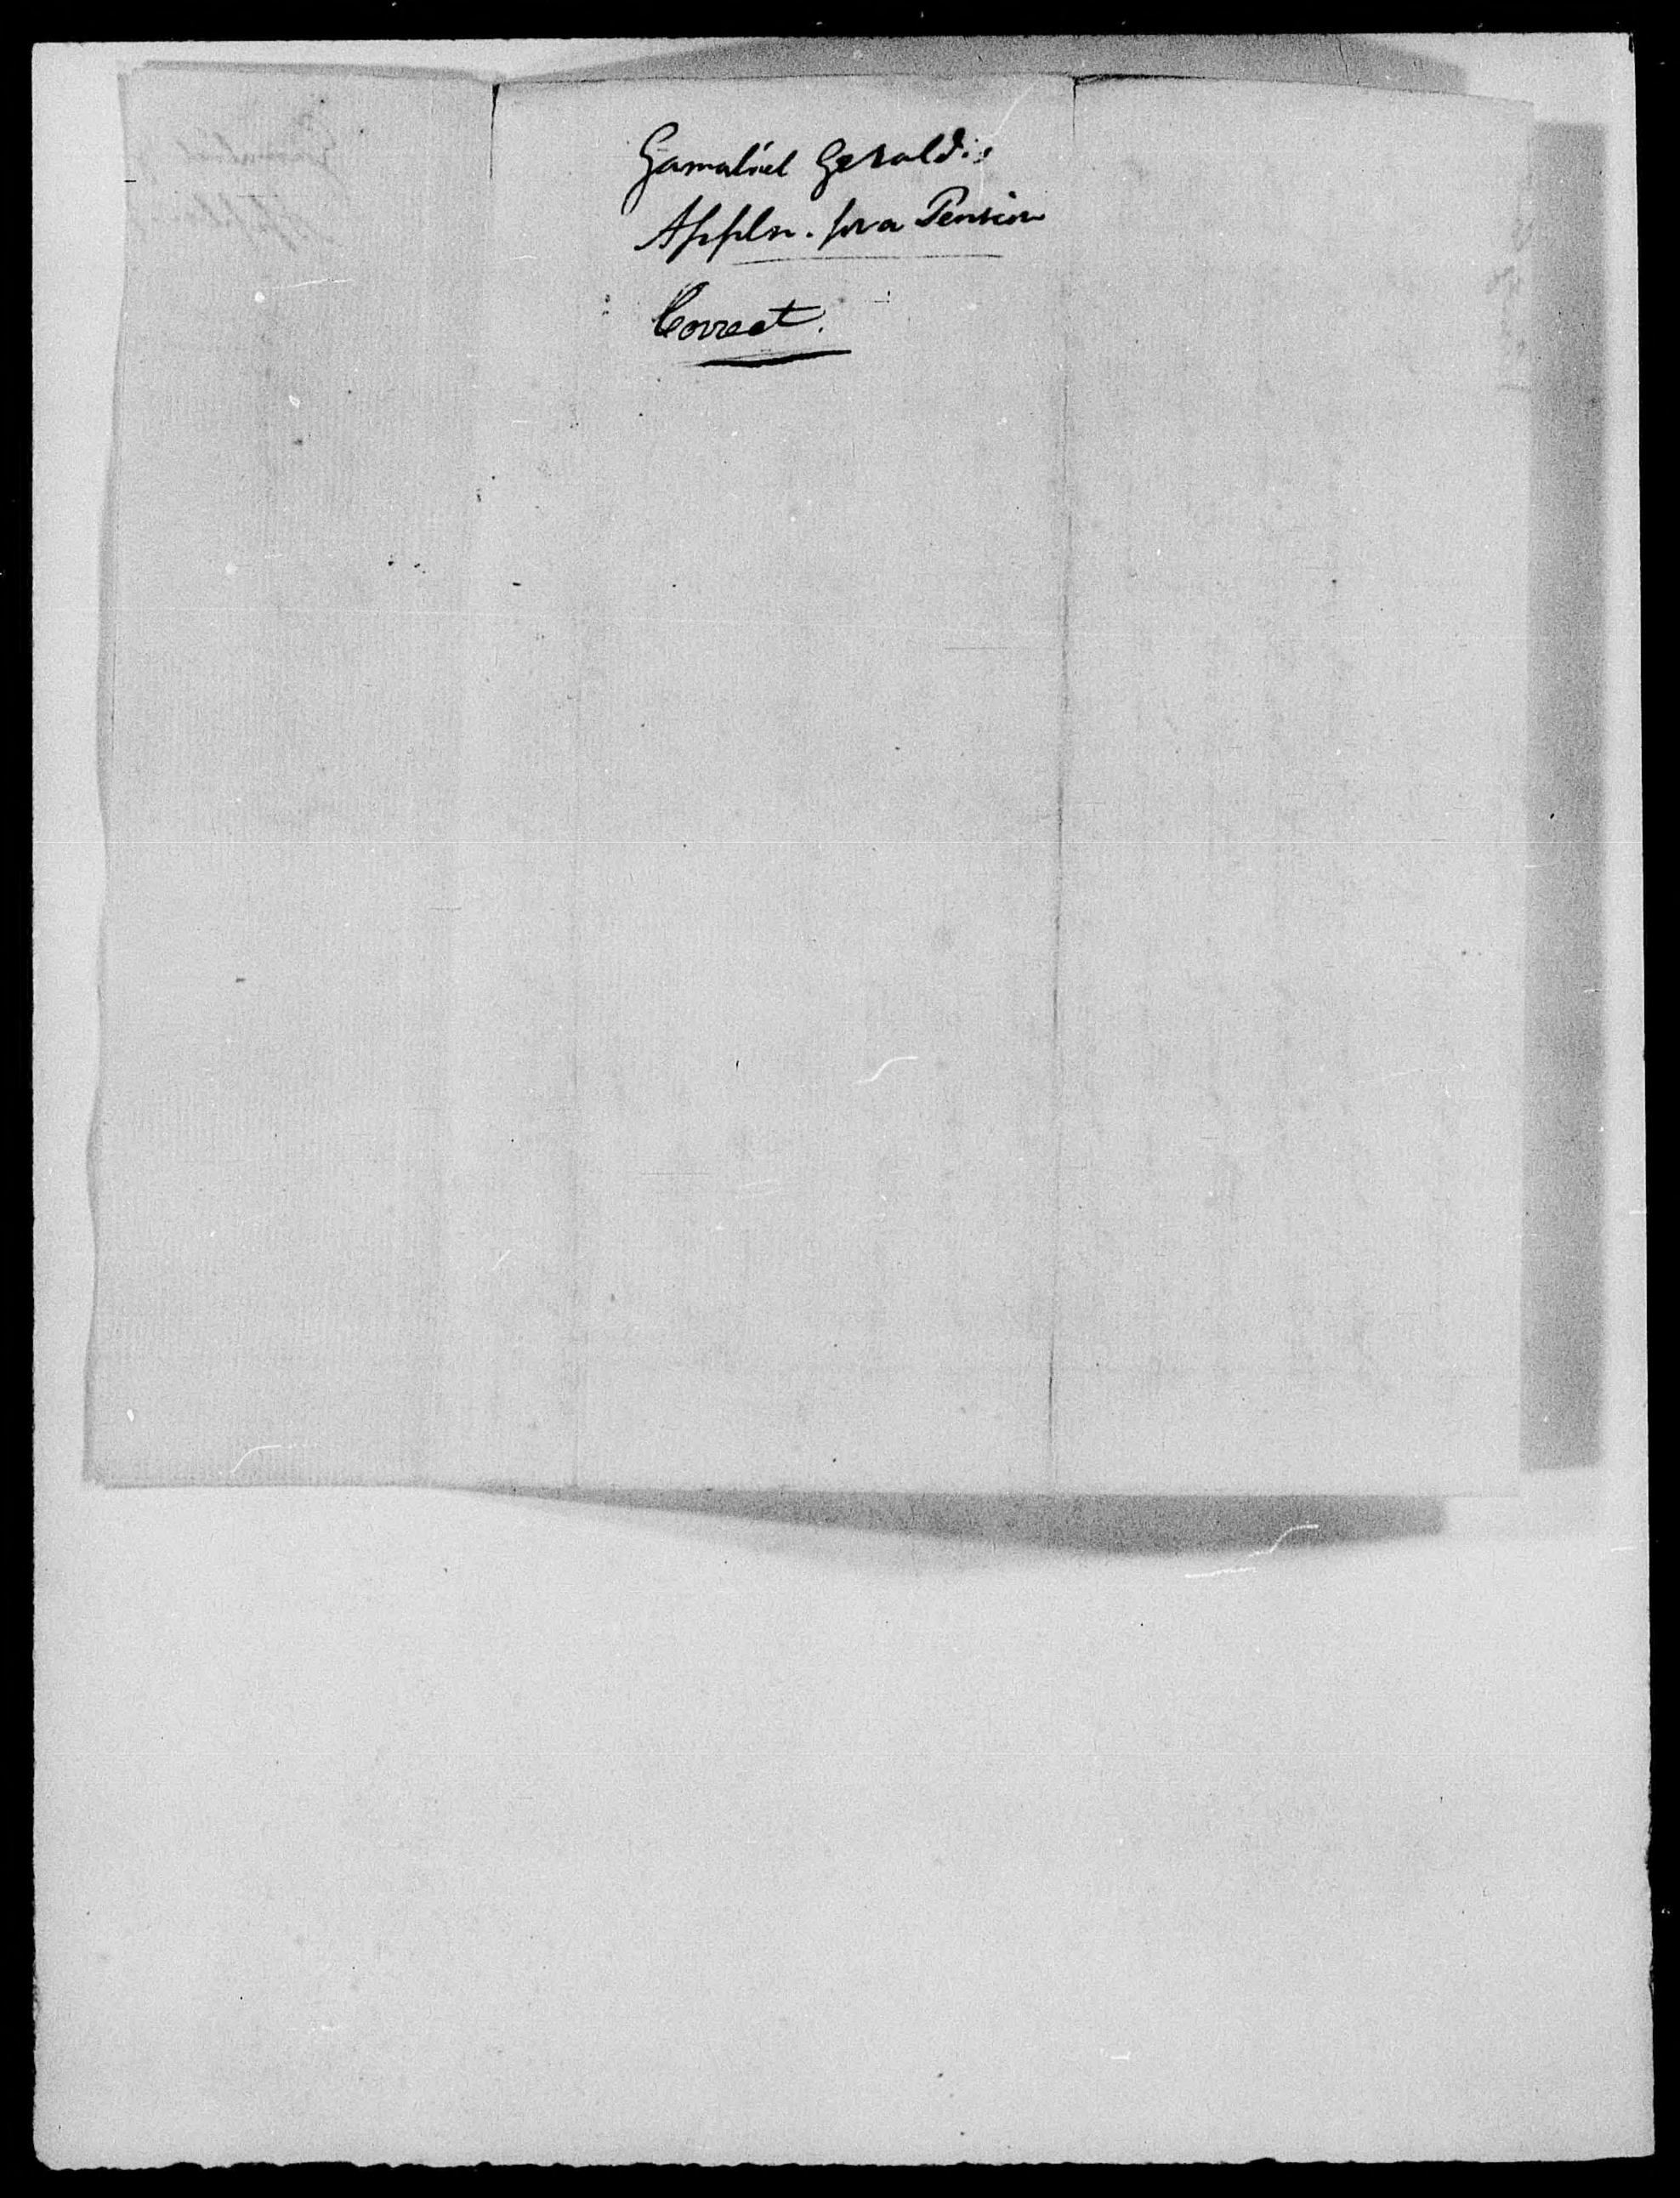Gamaliel Gerald
Applin. for a Pension
Correct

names: Gamaliel Gerald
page: 10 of 26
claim: widow's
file: W. 25619, Gamaliel Gerald, Mass.